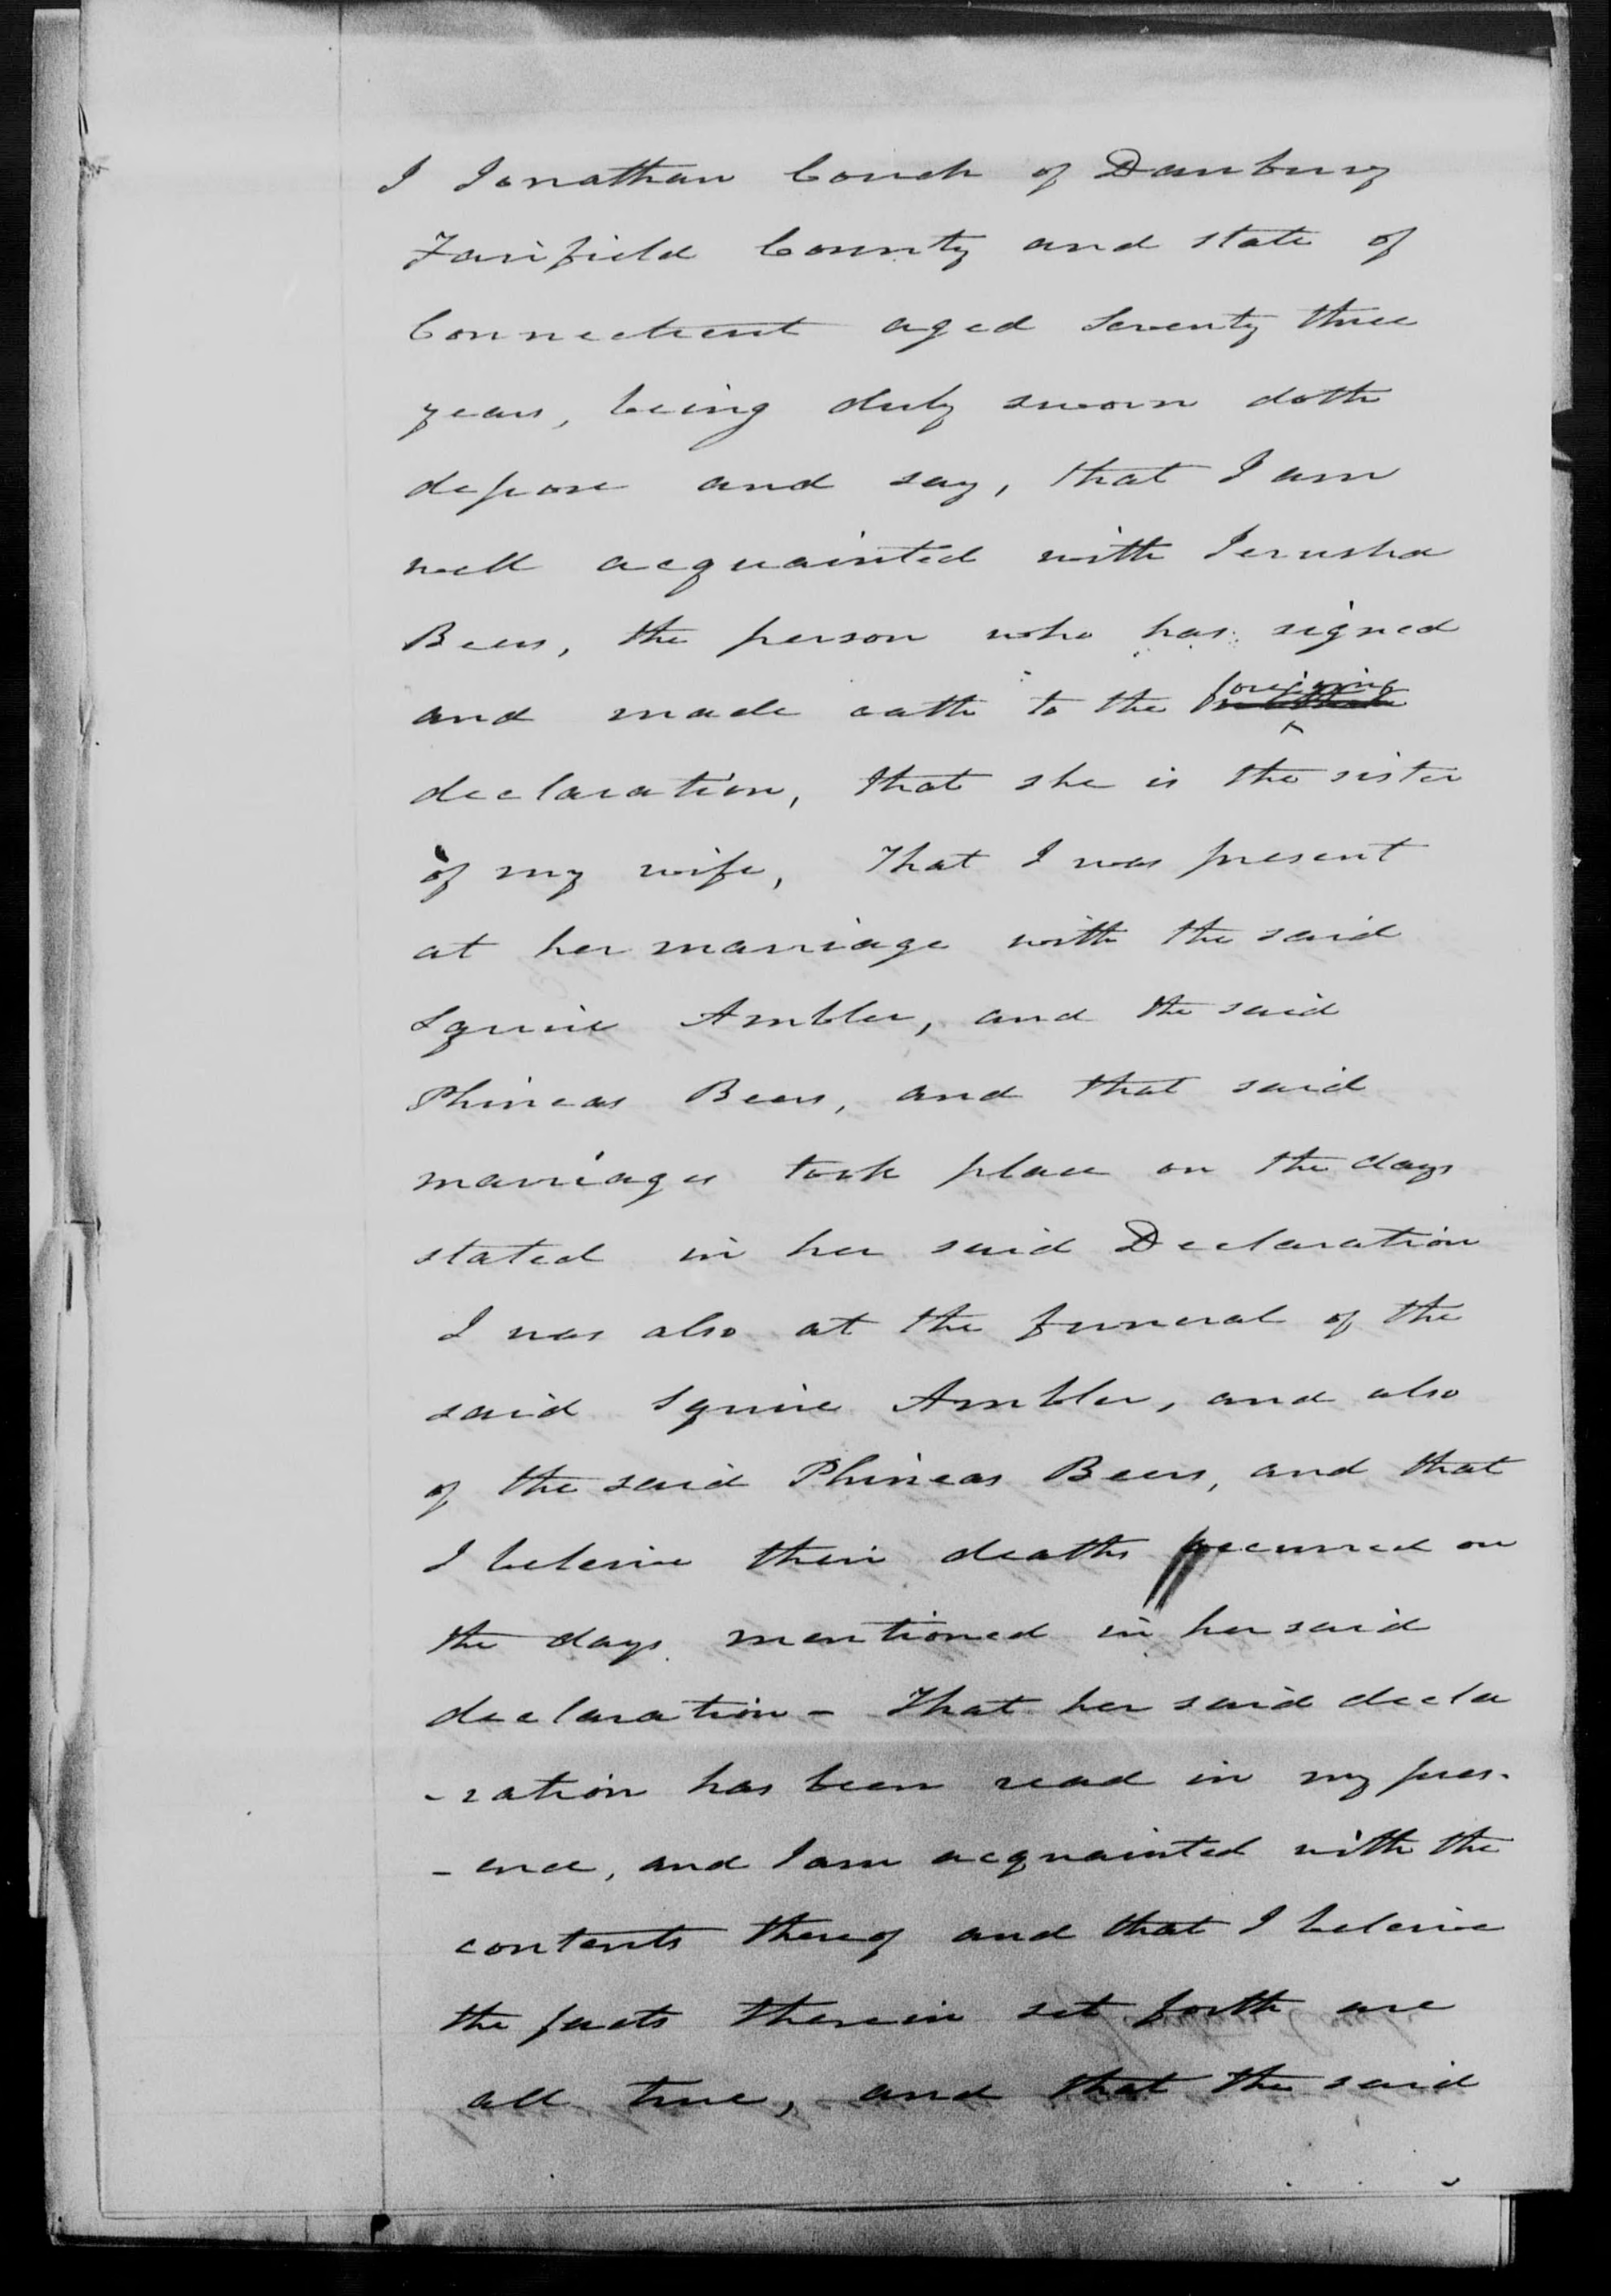I Jonathan Couch of Danbury Fairfield County and State of Connecticut aged seventy three
years, being duly sworn doth depose and say, that I am well acquainted with Jerusha Beers, the person who has signed and made oath to the ^foregoing [crossed out: illegible] declaration, that she is the sister of my wife, That I was present at her marriage with the said Squire Ambler, and the said Phineas Beers, and that said marriages took place on the days stated in her said Declaration. I was also at the funeral of the said Squire Ambler, and also of the said Phineas Beers, and that I believe their deaths occurred on the days mentioned in her said declaration. That her said declaration has been read in my presence, and I am acquainted with the contents thereof and that I believe the facts therein set forth all true, and that the said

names: Squire Ambler, Jonathan Couch, Phineas Beers, Phineas Beers, Squire Ambler, Jerusha Beers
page: 22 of 39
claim: widow's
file: W. 2,056, Squire Ambler, Continental (Sol. Res. In N.Y. & Conn.)